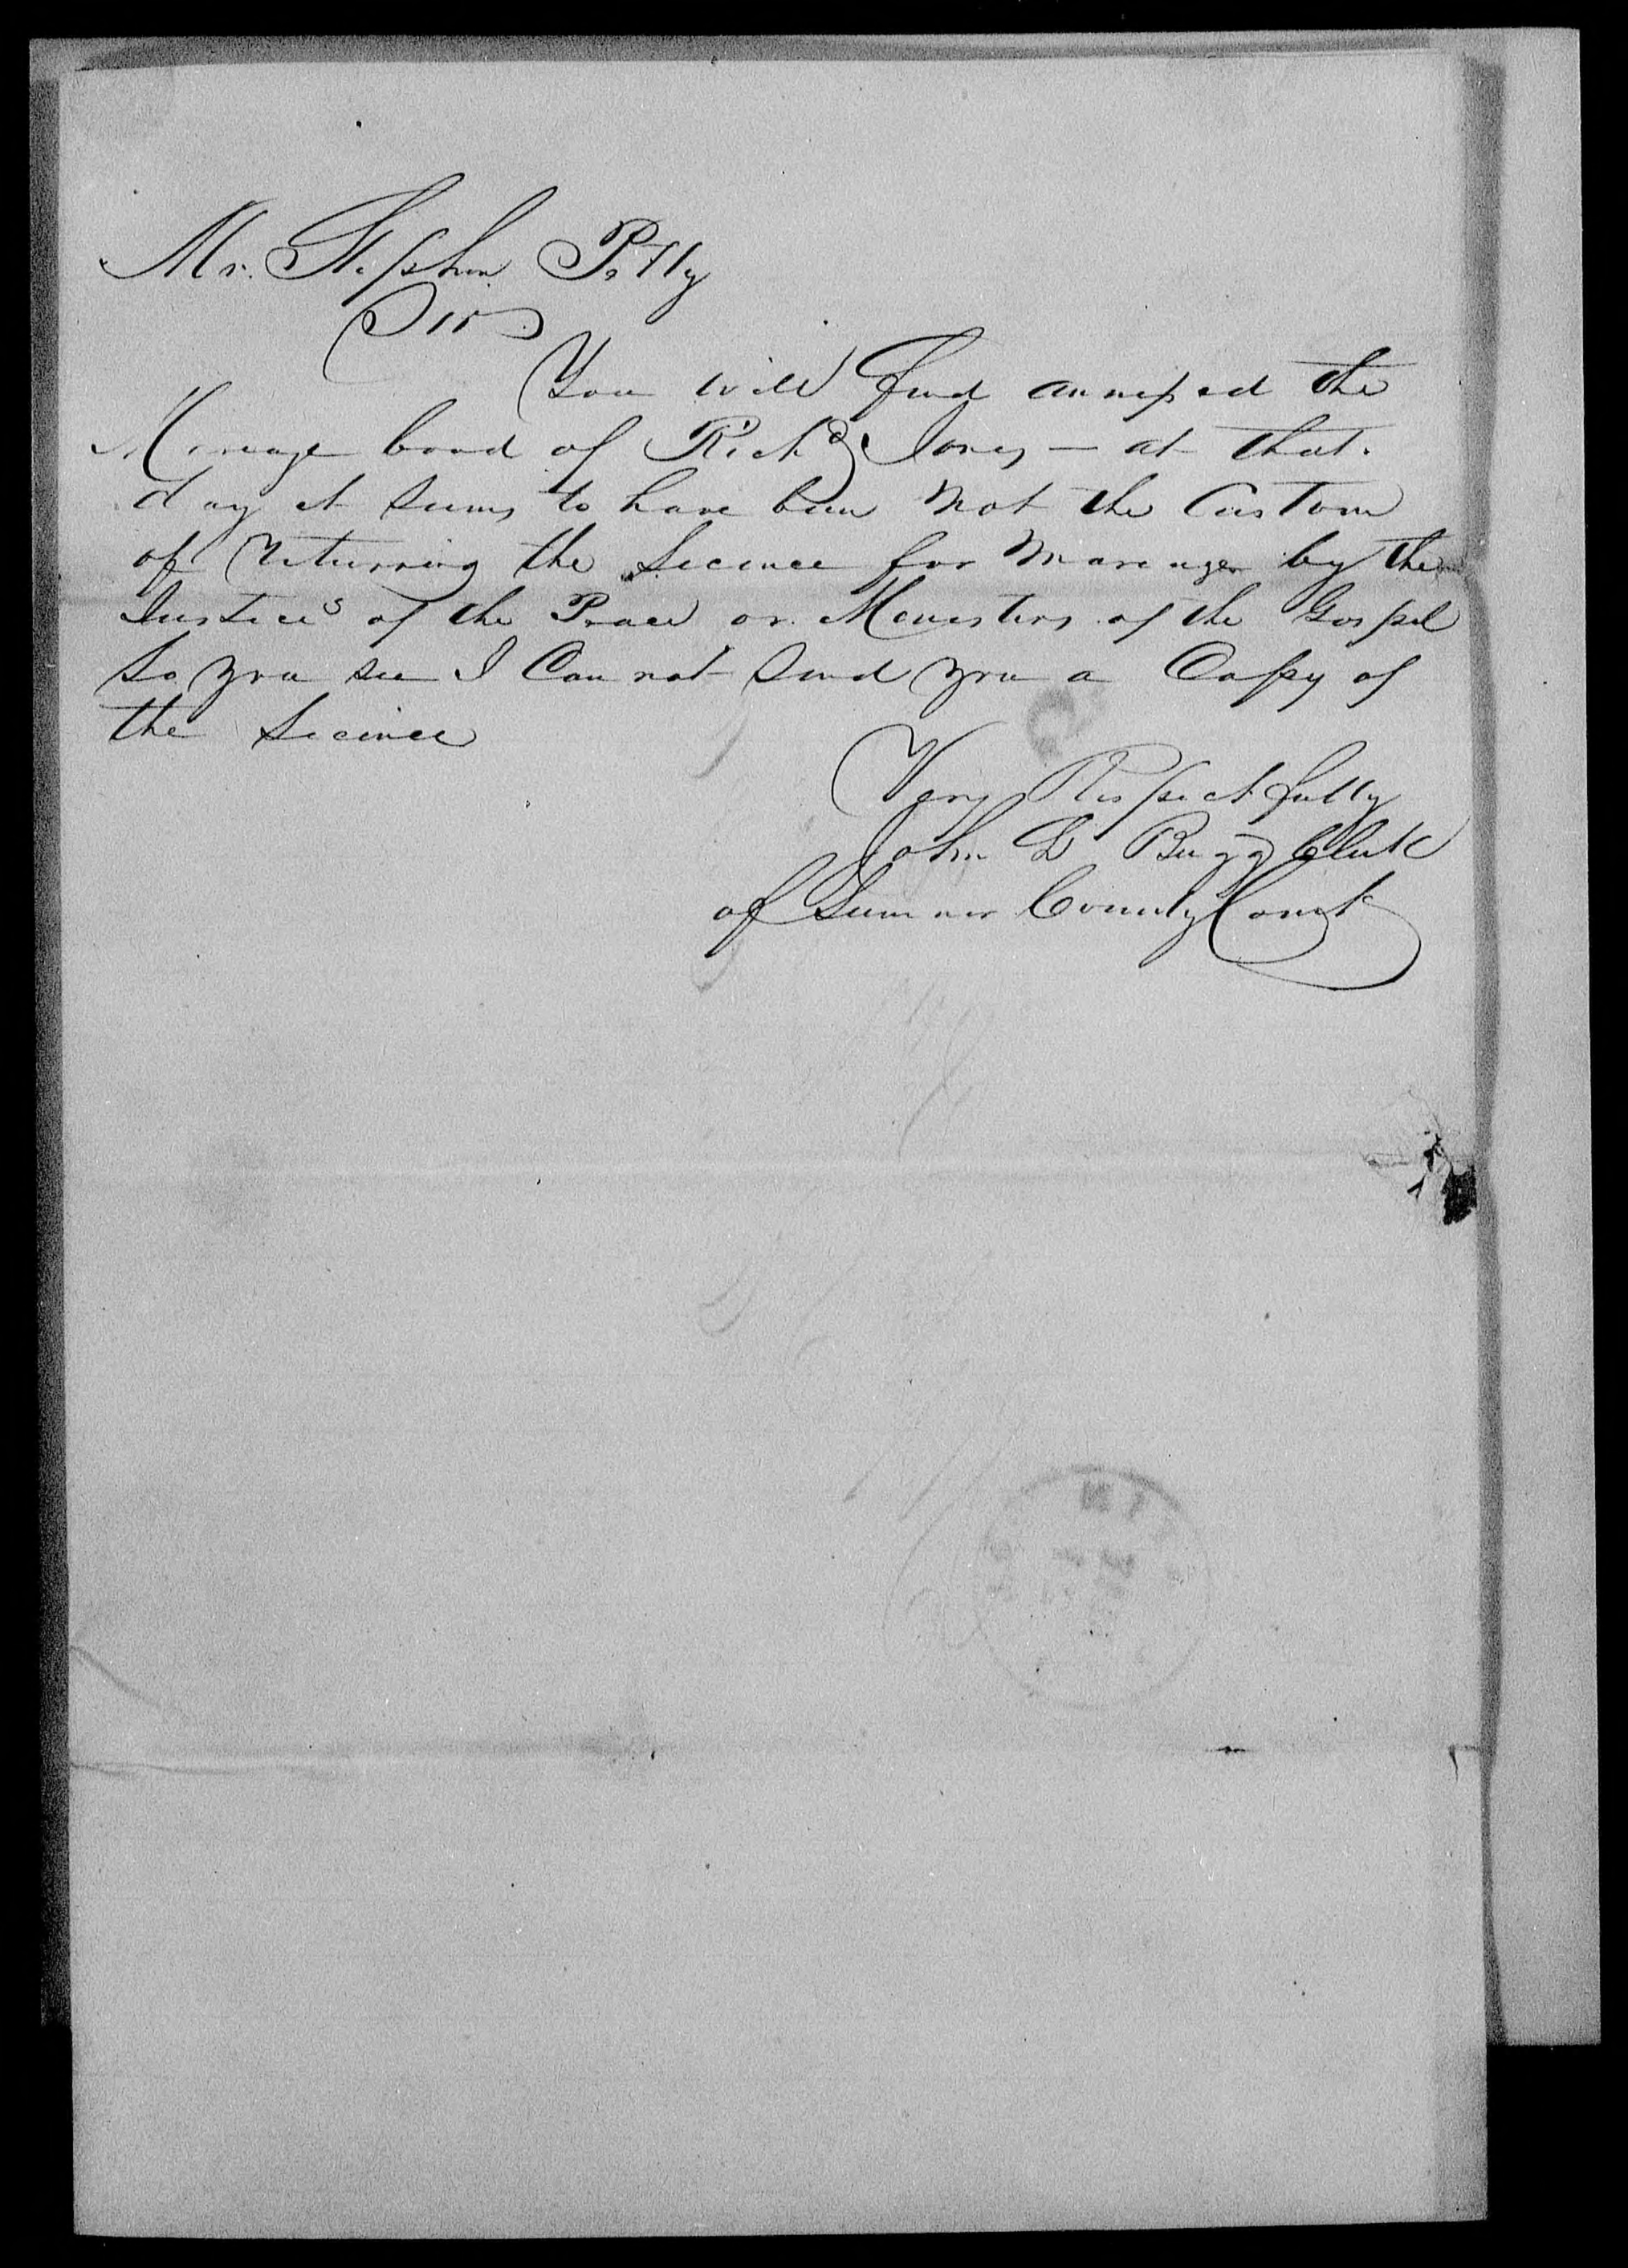Mr. Stephen Petty

Sir

You will find annexed the 
Marriage bond of Richd Jones - at that 
day it seems to have been not the custom
of returning the licence for marriage by the 
Justices of the Peace or Ministers of the Gospel
so you see I can not send you a copy of 
the licence

Very Respectfully
John L Bugg Clerk
of Sumner County Court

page: 10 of 33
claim: rejected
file: R. 1554, for Richard Jones, North Carolina